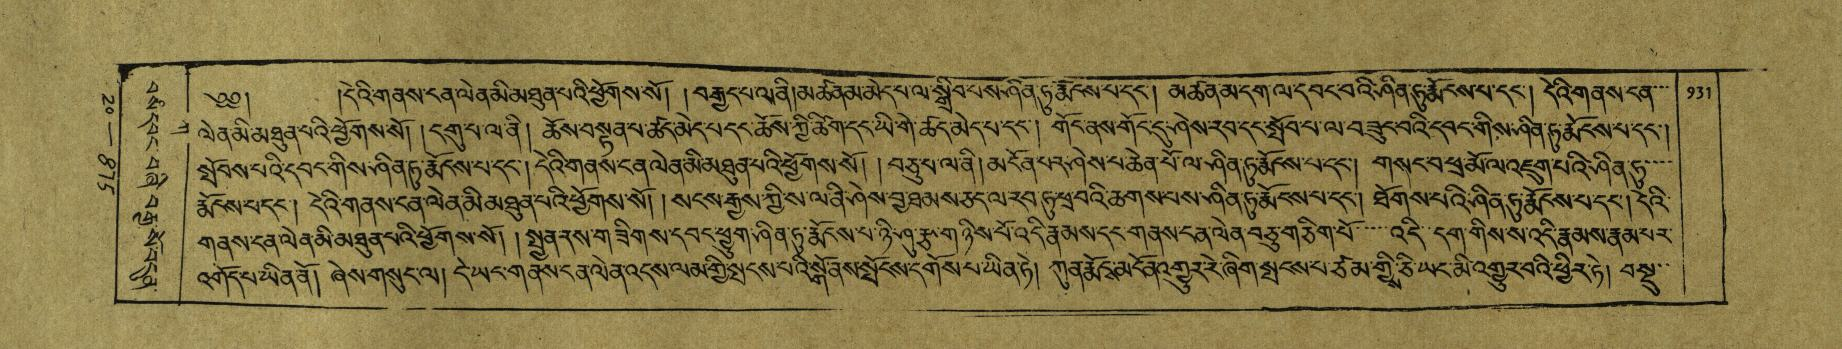༄༅། །དེའི་གནས་ངན་ལེན་མི་མཐུན་པའི་ཕྱོགས་སོ། །བརྒྱད་པ་ལ་ནི། མཚན་མ་མེད་པ་ལ་སྒྲིབ་པས་ཤིན་ཏུ་རྨོངས་པ་དང་། མཚན་མ་དག་ལ་དབང་བའི་ཤིན་ཏུ་རྨོངས་པ་དང་། དེའི་གནས་ངན་
ལེན་མི་མཐུན་པའི་ཕྱོགས་སོ། །དགུ་པ་ལ་ནི། ཆོས་བསྟན་པ་ཚད་མེད་པ་དང་ཆོས་ཀྱི་ཚིག་དང་ཡི་གེ་ཚད་མེད་པ་དང་། གོང་ནས་གོང་དུ་ཤེས་རབ་དང་སྤོབ་པ་ལ་བཟུང་བའི་དབང་གིས་ཤིན་ཏུ་རྨོངས་པ་དང་།
སྤོབས་པའི་དབང་གིས་ཤིན་ཏུ་རྨོངས་པ་དང་། དེའི་གནས་ངན་ལེན་མི་མཐུན་པའི་ཕྱོགས་སོ། །བཅུ་པ་ལ་ནི། མངོན་པར་ཤེས་པ་ཆེན་པོ་ལ་ཤིན་ཏུ་རྨོངས་པ་དང་། གསང་བ་ཕྲ་མོ་ལ་འཇུག་པའི་ཤིན་ཏུ་
རྨོངས་པ་དང་། དེའི་གནས་ངན་ལེན་མི་མཐུན་པའི་ཕྱོགས་སོ། །སངས་རྒྱས་ཀྱི་ས་ལ་ནི་ཤེས་བྱ་ཐམས་ཅད་ལ་རབ་ཏུ་ཕྲ་བའི་ཆགས་པས་ཤིན་ཏུ་རྨོངས་པ་དང་། ཐོགས་པའི་ཤིན་ཏུ་རྨོངས་པ་དང་། དེའི་
གནས་ངན་ལེན་མི་མཐུན་པའི་ཕྱོགས་སོ། །སྤྱན་རས་གཟིགས་དབང་ཕྱུག་ཤིན་ཏུ་རྨོངས་པ་ཉི་ཤུ་རྩ་གཉིས་པོ་འདི་རྣམས་དང་གནས་ངན་ལེན་བཅུ་གཅིག་པོ་འདི་དག་གིས་ས་འདི་རྣམས་རྣམ་པར་
འགོད་པ་ཡིན་ནོ། ཞེས་གསུངས་ལ། དེ་ཡང་གནས་ངན་ལེན་འདས་ལམ་གྱི་སྤངས་པའི་སྒོ་ནས་སྤོངས་དགོས་པ་ཡིན་ཏེ། ཀུན་རྨོངས་མངོན་འགྱུར་རེ་ཞིག་སྤངས་པ་ཙམ་གྱིས་ཅི་ཡང་མི་འགྱུར་བའི་ཕྱིར་ཏེ། བསྡུ་